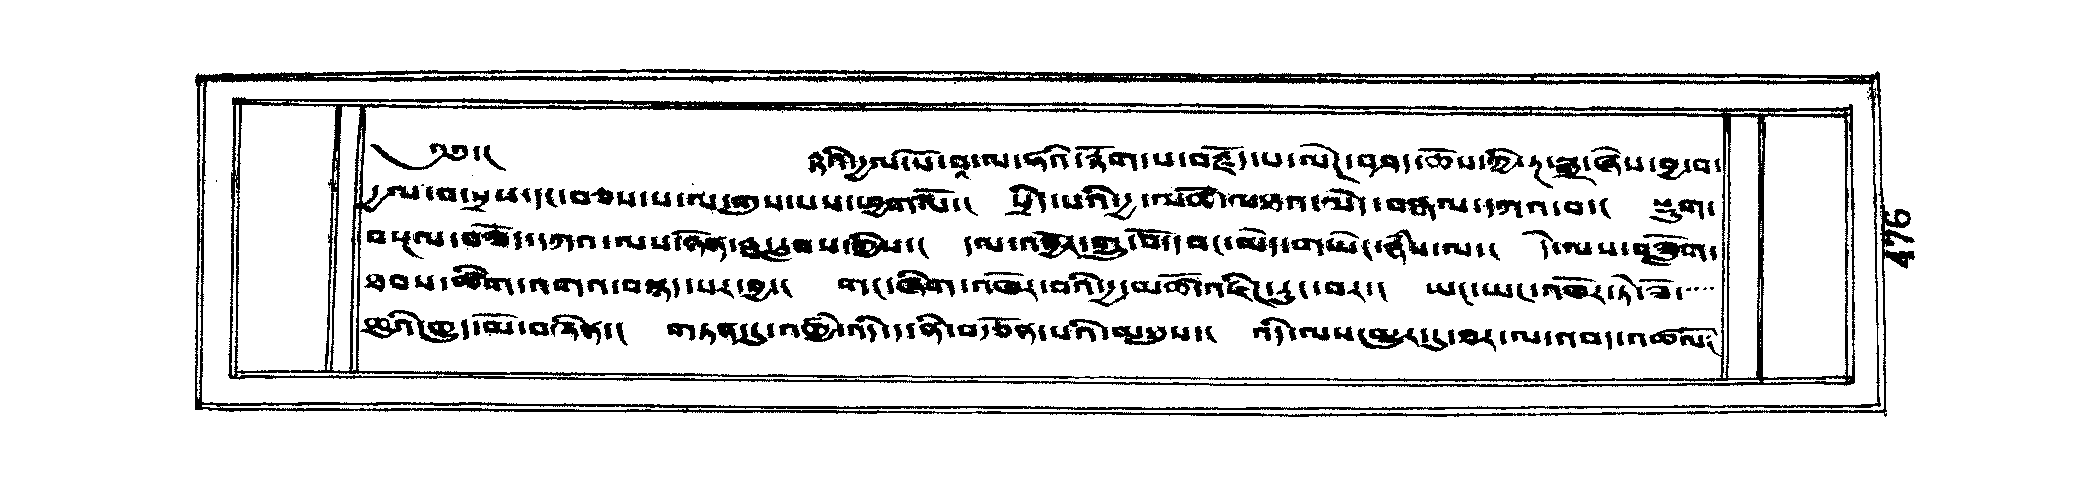རྟའི་རྒྱལ་པོ་བ་ལ་ཧའི་རྟོག་པ་བརྗོད་པ་ལེགས་བཤད་ཆོས་ཀྱི་རྔ་སྒྲ་ཞེས་བྱ་བ་
རྒྱལ་བ་སྲས་དང་བཅས་པ་ལ་གུས་པས་ཕྱག་འཚལ་ལོ། སྲིད་པའི་རྒྱ་མཚོ་མཐའ་མེད་བརྒལ་དཀའ་བ། །སྡུག་
བསྔལ་བཟོད་དཀའ་ལས་ཉོན་རྦ་རླབས་ཀྱིས། །དལ་འབྱོར་གྲུ་བོ་དབང་མེད་གཡེང་རྣམས་ལ། །དེ་ལས་བཟློག་
ཐབས་ཚིག་འགའ་བསྙད་པར་བྱ། །གང་ཞིག་འཁོར་བའི་རྒྱ་མཚོ་འཇིགས་རུང་བར། །ཡང་ཡང་འཁོར་ཏེ་ཟོ་
ཆུའི་ཁྱུད་མོ་བཞིན། །གཏན་དུ་འཁྱམ་འདི་ད་ནི་བརྩོན་པའི་མཐུས། །འདི་ལས་མྱུར་དུ་ཐར་ལ་འབད་འཚལ་ལོ།